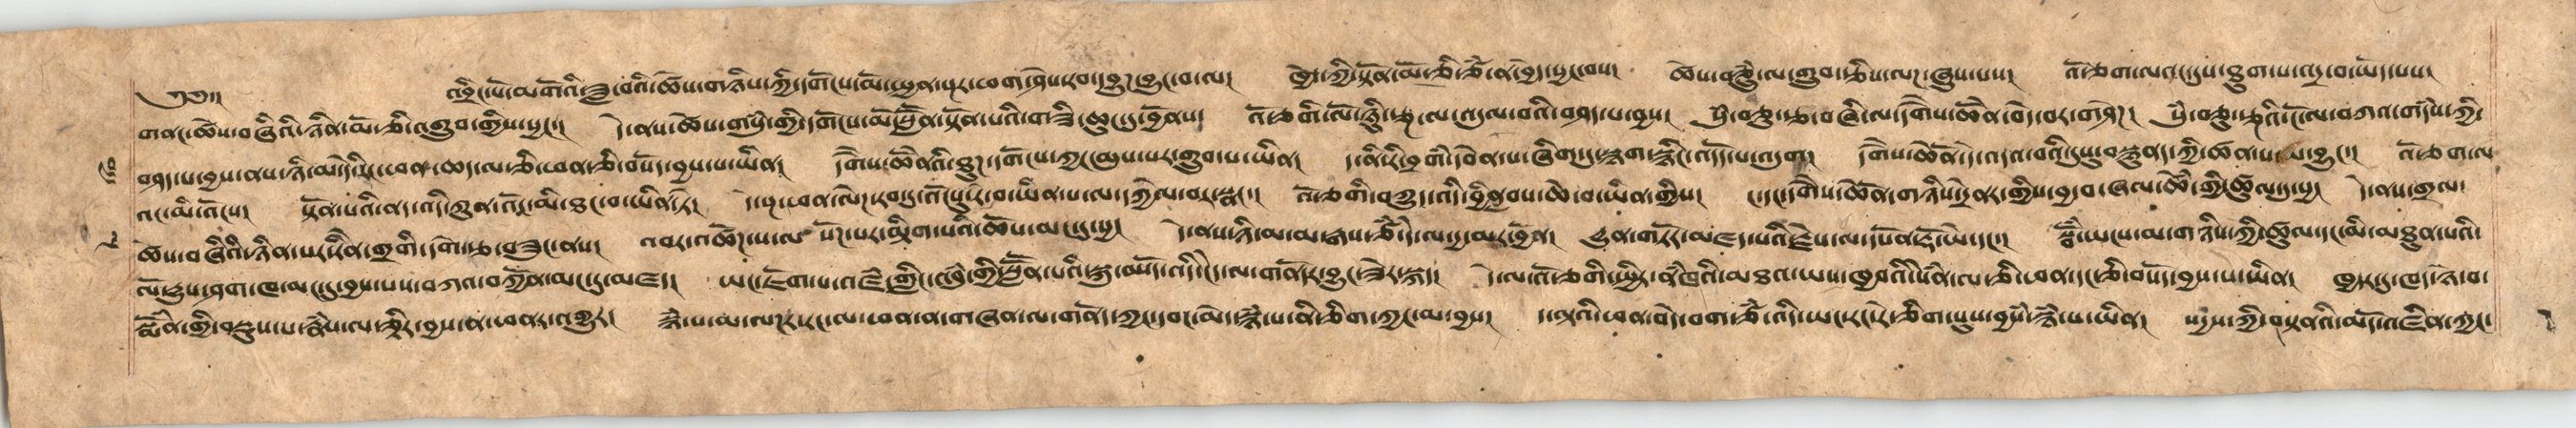འབྲིང་པོ་མགོའི་ཟླ་བའི་ཚེས་གཉིས་ཀྱི་དགོངས་མོ་སྤྱན་སྔར་ཕག་ཤེས་རབ་དབྱུཌ་བྱུང་བ་ལ། ཁྱོད་ཀྱི་སྟོན་མོ་ཅི་ཙཾ་ན་བྱེད་སྱང་བས། ཚེས་བཅྲུཾ་ལ་གྲུབ་རྩིས་ལཌ་ཞུས་པས། འོ་ཅག་ལའང་དུས་ཐུག་པ་འདྲ་བ་ཡོད་པས།
གནང་ཚེས་བཞིའི་ཉིན་མོ་ཅི་འགྲུབ་གྱིས་སྱང་། དེ་ནས་ཚེས་གསུཾ་གྱི་དགོངས་མོ་སླཽན་སྟོན་པའི་གཟི་ཆུང་དུ་བྱོནས། འོ་ཅགི་ལོ་ཉིུ་རྩ་ལྔ་ལ་འདུལ་བའི་བཤད་པ་བྱས། སུཾ་བཅུ་རྩ་བཞི་ལ་དགཻས་ཆེནོ་བདེ་བར་གཤེཌ། སུཾ་བཅུ་རྩ་ལྔའི་ངོ་ལ་བཀའ་གདཾས་ཀྱི་
བཤད་པ་བྱས་ནས་ཉི་མ་དེ་རིང་ཕན་ཆད་ལ་ཅི་ཕན་ཅི་བསོད་བྱས་པ་ཡིན། དགཻས་ཆེནོའི་ཐུཌ་དགོངས་ཀྱང་མ་ལུས་པར་གྲུབ་་ཡིན། ད་ནི་རི་བྲགཾ་དབེན་ས་ཞིག་དུ་སྙག་སྙིང་འདོད་པ་འདུག། དགཻས་ཆེནོ་དེ་འདའ་བའི་དུསུ་བསྙུནད་ཀྱི་ཚན་པ་མ་བྱུང་། འོ་ཅག་ལ
འང་མི་འོངས། སྟོན་པའི་ནད་འདི་ཀུན་འོང་མི་ཐང་བ་ཡིན་ཏེ། དེ་སྔ་ཕན་ལེཌ་རབ་དུ་འོངསུ་རེ་བ་ཡིན་པ་ལ་དཀྱེལ་བར་སྣང་། འོ་ཅགི་བཀྱུད་འདི་བྱིནླབས་ཆེ་བ་ཡིན་གྱིས། ང་དང་དགཻས་ཆེནོ་གཉིས་དྲེནར་གྱིས་བྱ་བ་ཞལ་ཆེཾ་གྱི་ཚུལ་དུ་སྱ། དེ་ནས་གྲལ་
ཚེས་བཞིའི་ཉིན་པར་རིནེ་གྲགི་དགེ་རྩ་བཟུང་ནས། འབར་འཚོཌ་པ་ལསོཌ་པར་མྟིག་པའི་ཆོས་མང་དུ་སྱ། དེ་ནས་ཉི་མ་མ་རྒས་ཙཾ་དེ་ལ་དྱ་མར་བྱོན། དྱུན་གཏོར་མཛད་པའི་རྗེས་ལ་དཔོན་རྡོ་ཡེ་དང་། སྦོཾ་ཡངས་མ་གཉིས་ཀྱིས་ཚུལ་དང་མི་མཐུན་པའི་
ལོ་དྱུས་ཤག་ཁ་མང་དུ་བྱས་པས་བཀའ་བཀྱོན་མང་དུ་མཛད། ཡང་ཇོག་པ་འཛཾ་གླིང་འབུཾ་གྱི་སླཽན་པའི་སྐུ་བསོད་འདི་ངེད་ལ་གནོདར་བྱུང་ཟེར་སྐད། དེ་ལ་འོ་ཅགི་སྤྱིར་ནཾཁའི་མཐའ་ཡས་ཁྱབའི་སེནཾ་ལ་ཅི་ཕན་དང་ཅི་བསོད་བྱས་པ་ཡིན། ཁྱདར་དུ་ཁད་ཉེ་བ་
སྨོཾན་གྱི་བསྡུས་པ་རྣཾས་ལ་ཅྟིར་བྱས་ན་ཕནར་འགྱུར། སྙཾ་པ་མ་ལཌར་རང་ལ་ཕན་ན་གཞན་ལ་གནོད་ཀྱང་དབང་མེད་སྙཾ་པ་ནི་ཅིག་ཀྱང་མ་བྱས། ད་ལྟའི་ཕན་བདེ་བག་ཙཾ་འདི་ཡང་རང་རེ་ཅིག་པུས་བྱསཾ་སྙཾ་པ་ཡིན། སདྱས་ཀྱི་བསྟན་པའི་མདོ་འཛིན་ཀྱང་